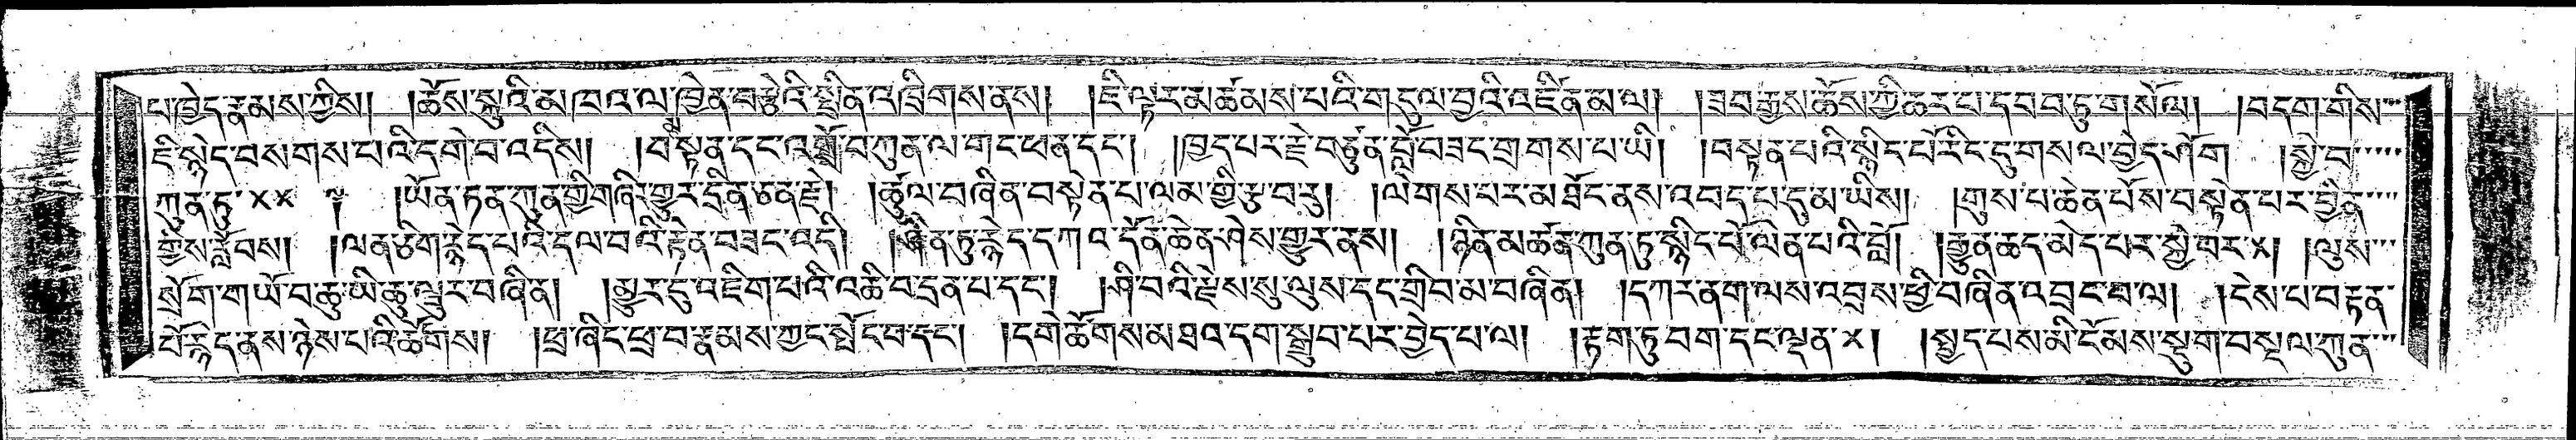པ་ཁྱེད་རྣམས་ཀྱིས། །ཆོས་སྐུའི་མཁའ་ལ་མཁྱེན་བརྩེའི་སྤྲིན་འཁྲིགས་ནས། །ཇི་ལྟར་མཚམས་པའི་གདུལ་བྱའི་འཛིན་མ་ལ། །ཟབ་རྒྱས་ཆོས་ཀྱི་ཆར་པ་དབབ་ཏུ་གསོལ། །བདག་གིས་
ཇི་སྙེད་བསགས་པའི་དགེ་བ་འདིས། །བསྟན་དང་འགྲོ་བ་ཀུན་ལ་གང་ཕན་དང་། །ཁྱད་པར་རྗེ་བཙུན་བློ་བཟང་གྲགས་པ་ཡི། །བསྟན་པའི་སྙིང་པོ་རིང་དུ་གསལ་བྱེད་ཤོག །སྐྱེ་བ་
ཀུན་ཏུ་{྾}་{྾}་༈ །ཡོན་ཏན་ཀུན་གྱི་གཞིར་གྱུར་དྲིན་ཅན་རྗེ། །ཚུལ་བཞིན་བསྟེན་པ་ལམ་གྱི་རྩ་བ་རུ། །ལེགས་པར་མཐོང་ནས་འབད་པ་དུ་མ་ཡིས། །གུས་པ་ཆེན་པོས་བསྟེན་པར་བྱིན་
གྱིས་རློབས། །ལན་ཅིག་རྙེད་པའི་དལ་བའི་རྟེན་བཟང་འདི། །ཤིན་ཏུ་རྙེད་དཀའ་དོན་ཆེན་ཤེས་གྱུར་ནས། །ཉིན་མཚན་ཀུན་ཏུ་སྙིང་པོ་ལེན་པའི་བློ། །རྒྱུན་ཆད་མེད་པར་སྐྱེ་བར་{྾}། །ལུས་
སྲོག་གཡོ་བ་ཆུ་ཡི་ཆུ་ལྦུར་བཞིན། །མྱུར་དུ་འཇིག་པའི་འཆི་བ་དྲན་པ་དང་། །ཤི་བའི་རྗེས་སུ་ལུས་དང་གྲིབ་མ་བཞིན། །དཀར་ནག་ལས་འབྲས་ཕྱི་བཞིན་འབྲང་བ་ལ། །ངེས་པ་བརྟན་
པོ་རྙེད་ནས་ཉེས་པའི་ཚོགས། །ཕྲ་ཞིང་ཕྲ་བ་རྣམས་ཀྱང་སྤོང་བ་དང་། །དགེ་ཚོགས་མཐའ་དག་སྒྲུབ་པར་བྱེད་པ་ལ། །རྟག་ཏུ་བག་དང་ལྡན་{྾}། །སྤྱད་པས་མི་ངོམས་སྡུག་བསྔལ་ཀུན་